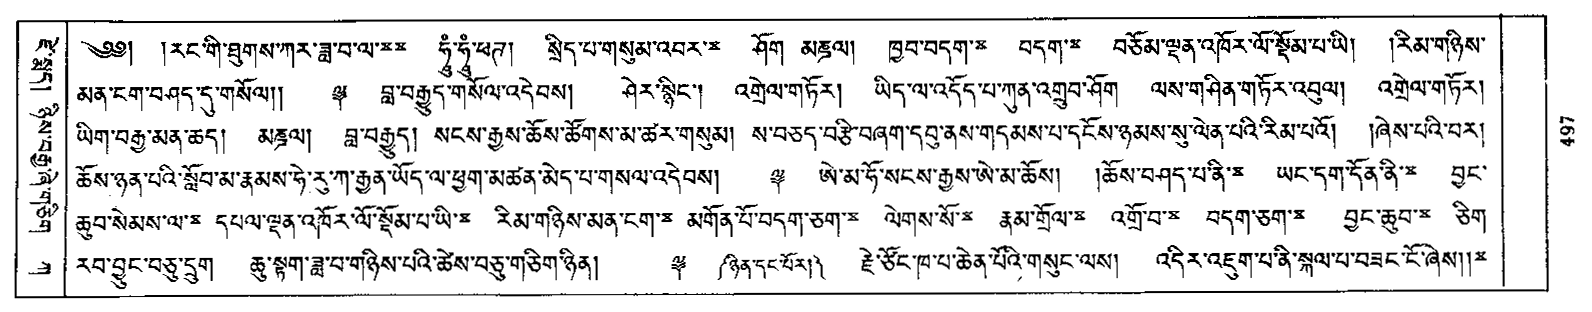༄༅། །རང་གི་ཐུགས་ཀར་ཟླ་བ་ལ་྾་྾་ཧཱུཾ་ཧཱུཾ་ཕཊ། སྲིད་པ་གསུམ་འབར་྾་ཤོག་མཎྜལ། ཁྱབ་བདག་྾་བདག་྾་བཅོམ་ལྡན་འཁོར་ལོ་སྡོམ་པ་ཡི། །རིམ་གཉིས་
མན་ངག་བཤད་དུ་གསོལ།། ༈ བླ་བརྒྱུད་གསོལ་འདེབས། ཤེར་སྙིང་། འགྲེལ་གཏོར། ཡིད་ལ་འདོད་པ་ཀུན་འགྲུབ་ཤོག་ལས་གཤིན་གཏོར་འབུལ། འགྲེལ་གཏོར།
ཡིག་བརྒྱ་མན་ཆད། མཎྜལ། བླ་བརྒྱུད། སངས་རྒྱས་ཆོས་ཚོགས་མ་ཚར་གསུམ། ས་བཅད་བརྩི་བཞག་དབུ་ནས་གདམས་པ་དངོས་ཉམས་སུ་ལེན་པའི་རིམ་པའོ། །ཞེས་པའི་བར།
ཆོས་ཉན་པའི་སློབ་མ་རྣམས་ཧེ་རུ་ཀ་རྒྱན་ཡོད་ལ་ཕྱག་མཚན་མེད་པ་གསལ་འདེབས། ༈ ཨེ་མ་ཧོ་སངས་རྒྱས་ཨེ་མ་ཆོས། །ཆོས་བཤད་པ་ནི་྾་ཡང་དག་དོན་ནི་྾་བྱང་
ཆུབ་སེམས་ལ་྾་དཔལ་ལྡན་འཁོར་ལོ་སྡོམ་པ་ཡི་྾་རིམ་གཉིས་མན་ངག་྾་མགོན་པོ་བདག་ཅག་྾་ལེགས་སོ་྾་རྣམ་གྲོལ་྾་འགྲོ་བ་྾་བདག་ཅག་྾་བྱང་ཆུབ་྾་ཅིག་
རབ་བྱུང་བཅུ་དྲུག་ཆུ་སྟག་ཟླ་བ་གཉིས་པའི་ཚེས་བཅུ་གཅིག་ཉིན། ༈ ཉིན་དང་པོར།?་རྗེ་ཙོང་ཁ་པ་ཆེན་པོའི་གསུང་ལས། འདིར་འཇུག་པ་ནི་སྐལ་པ་བཟང་ངོ་ཞེས།། ྾་